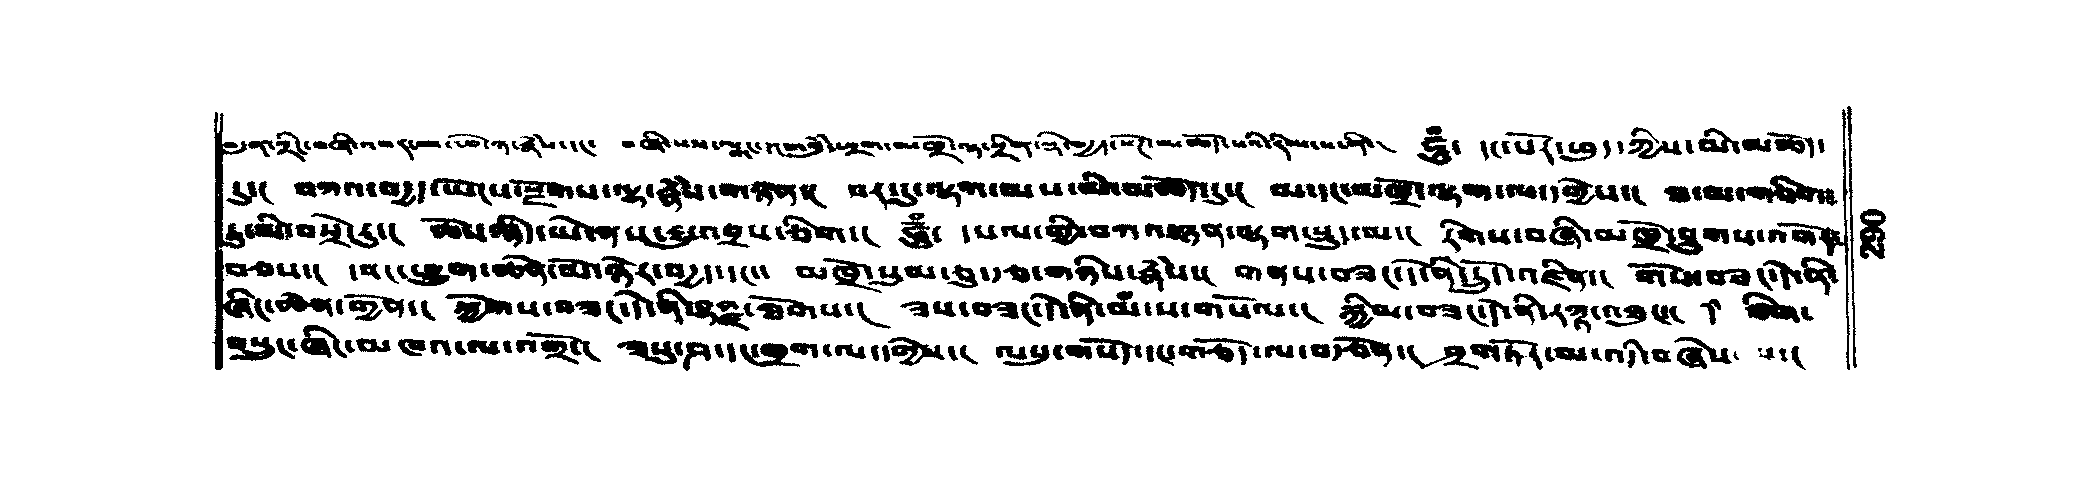བདུན་སྲིང་བཞི་འབར་མ་ཕོ་ཉ་རྣམས་དང་། བཞི་པས་ལངྒ་དང་འབུམ་ཕྲག་མཁའ་འགྲོ་ལྷ་སྲིན་སྡེ་བརྒྱད་སོགས་མཆོད་པའི་རིམ་པ་ནི། ཧཱུྃ། དང་པོར་ཕུད་ཀྱིས་མི་མཆོད་
དུ། །བཀའ་བརྒྱད་ཡོངས་རྫོགས་ལྷ་རྣམས་གཉན། །བར་དུ་ལྷག་མས་མི་མཆོད་དུ། །མ་དང་མཁའ་འགྲོ་ལྷག་ལ་དགྱེས། །ཐ་མ་གཅིག་
ཏུ་མི་བསྲེ་རུ། །ཆོས་ཉིད་ཡེ་ནས་རྒྱུ་འབྲས་གཅིག་ཧཱུྃ། དཔལ་གྱི་བཀའ་ཉན་ལྷག་སྡུད་མ། །རིགས་བཞི་མཁའ་འགྲོ་ཤུགས་འགོར་
བཅས།། དབང་ཕྱུག་ཆེན་མོ་ཉེར་བརྒྱད་དང་། །མཁའ་འགྲོ་སུམ་ཅུ་རྩ་གཉིས་རྣམས། །གནས་བཟང་དེ་ནི་དུར་ཁྲོད་འཛིན། །གོས་བཟང་དེ་ནི་
ཞིང་ཆེན་གྱོན། །སྐྱོགས་བཟང་དེ་ནི་བྷཉྫ་ཐོགས། །ཟས་བཟང་དེ་ནི་མཾ་ས་གསོལ། །སྐྱེམ་བཟང་དེ་ནི་རཀྟ་འཐུང་། །དམ་ཚིག་
བསྲུང་ཞིང་མཁའ་ལ་འགྲོ་ཟས་སུ་ཤ་དང་ཁྲག་ལ་དགྱེས། །ལས་སུ་གསོད་དང་གཅོད་ལ་བརྩོན། །ཤ་ཁྲག་གཏོར་མ་འདི་བཞེས་ལ། །